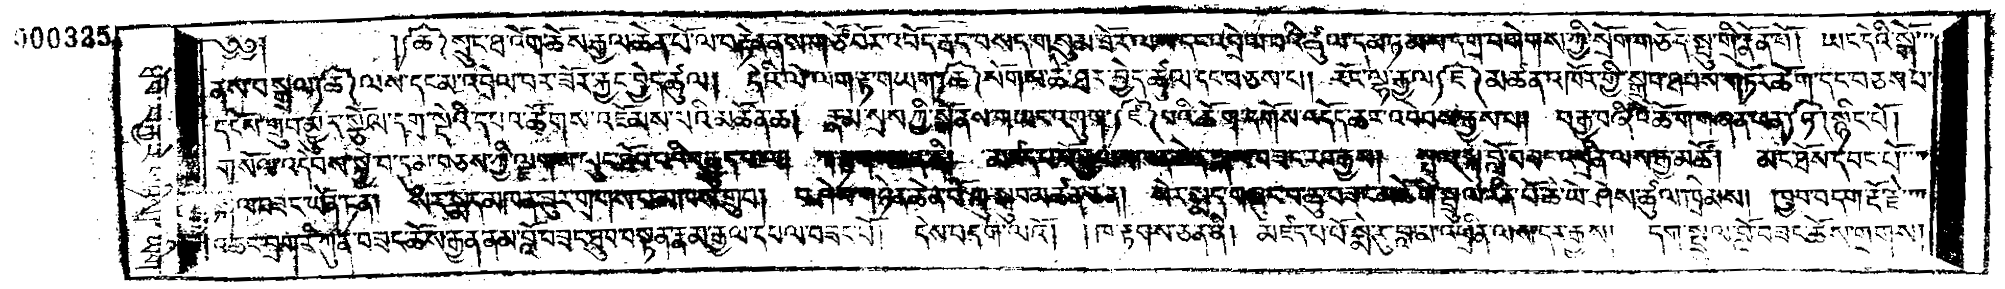༄༅། །༼ཆ༽ སྲུང་ཐ་འོག་ཆོས་རྒྱལ་ཆེན་པོ་ལ་བརྟེན་ནས་གཙོ་བོར་འབོད་རྦད་བསད་གསུམ་ཟོར་ལས་དང་འབྲེལ་བའི་ཚུལ་དམ་ཉམས་དགྲ་བགེགས་ཀྱི་སྲོག་གཅོད་སྤུ་གྲི་རྣོན་པོ། ཡང་དེའི་སྒོ་
ནས་བསྒྲལ ༼ཆ༽ ལས་དང་མ་འབྲེལ་བར་ཟོར་རྐྱང་བྱེད་ཚུལ། དེའི་ལེ་ལག་རྟ་གཡག ༼ཆ༽ སོགས་ཚེ་ཐར་བྱེད་ཚུལ་དང་བཅས་པ། རོང་ལྷ་རྒྱལ ༼ཇ༽ མཚན་འཁོར་གྱི་སྒྲུབ་ཐབས་གཏོར་ཆོག་དང་བཅས་པ་
དངོས་གྲུབ་མྱུར་སྩོལ་དགྲ་སྡེའི་དཔའ་ཚོགས་འཇོམས་པའི་མཚོན་ཆ། རྣམ་སྲས་ཀྱི་སྒོ་ནས་གཡང་འགུག ༼ཛ༽ པའི་ཆོ་ག་དགོས་འདོད་ཆར་འབེབས་རྒྱས་པ། བརྒྱ་བཞིའི་ཆོ་ག་གཞན་ཕན ༼ཧ༽ སྙིང་པོ།
གསོལ་འདེབས་སྐྱེ་བ་དུ་མ་བཅས་ཀྱི་ལྗགས་ལུང་ཐོབ་པའི་བརྒྱུད་པ་ལ། ཀ་རྟགས་ཅན་ནི། མཛད་པ་པོ་རྒྱལ་མཁན་ཆེན་སྐལ་བཟང་རབ་རྒྱས། སྤྲུལ་སྐུ་བློ་བཟང་འཕྲིན་ལས་རྒྱ་མཚོ། མང་ཐོས་དབང་པོ་
སྐལ་བཟང་ཡོན་ཏན། སེར་སྨད་མཁན་ཟུར་གྲགས་པ་མཁས་གྲུབ། བཤེས་གཉེན་ཆེན་པོ་ཀླུ་སྒྲུབ་མཚན་ཅན། སེར་སྨད་གཞུང་བ་ཆུ་བཟང་མཆོག་སྤྲུལ་རིན་པོ་ཆེ་ཡེ་ཤེས་ཚུལ་ཁྲིམས། ཁྱབ་བདག་རྡོ་རྗེ་
འཆང་བྲག་རི་ཀུན་བཟང་ཆོས་རྒྱན་ནམ་བློ་བཟང་ཐུབ་བསྟན་རྣམ་རྒྱལ་དཔལ་བཟང་པོ། དེས་བདག་ལའོ། །ཁ་རྟགས་ཅན་ནི། མཛད་པ་པོ་སྨེ་རུ་བླ་མ་འཕྲིན་ལས་དར་རྒྱས། དག་སྤྲུལ་བློ་བཟང་ཆོས་གྲགས།